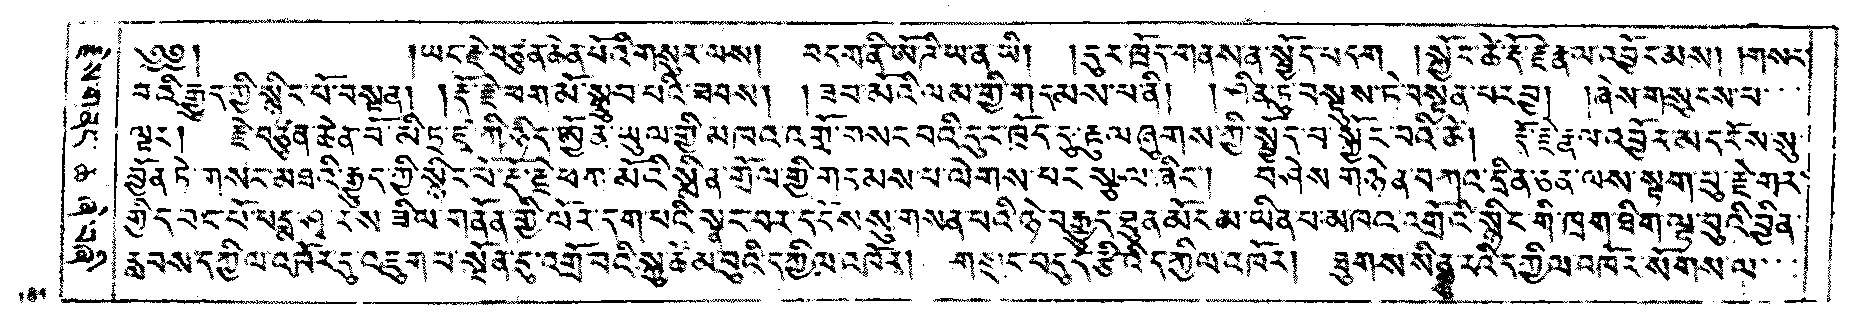༄༅། །ཡང་རྗེ་བཙུན་ཆེན་པོའི་གསུང་ལས། བདག་ནི་ཨོ་ཌི་ཡ་ན་ཡི། །དུར་ཁྲོད་གནས་ན་སྤྱོད་པ་དག །སྐྱོང་ཚེ་རྡོ་རྗེ་རྣལ་འབྱོར་མས། །གསང་
བའི་རྒྱུད་ཀྱི་སྙིང་པོ་བསྟན། །རྡོ་རྗེ་ཕག་མོ་སྒྲུབ་པའི་ཐབས། །ཟབ་མོའི་ལམ་གྱི་གདམས་པ་ནི། །ཤིན་ཏུ་བསྡུས་ཏེ་བསྟན་པར་བྱ། །ཞེས་གསུངས་པ་
ལྟར། རྗེ་བཙུན་ཆེན་པོ་མི་ཏྲ་ཛྭ་ཀི་ཉིད་ཨཡོན་ཡུལ་གྱི་མཁའ་འགྲོ་གསང་བའི་དུར་ཁྲོད་དུ་རྟུལ་ཞུགས་ཀྱི་སྤྱོད་པ་སྐྱོང་བའི་ཚེ། རྡོ་རྗེ་རྣལ་འབྱོར་མ་དངོས་སུ་
བྱོན་ཏེ་གསང་མཐའི་རྒྱུད་ཀྱི་སྙིང་པོ་རྡོ་རྗེ་ཕག་མོའི་སྨིན་གྲོལ་གྱི་གདམས་པ་ལེགས་པར་སྩལ་ཞིང་། བཤེས་གཉེན་བཀའ་དྲིན་ཅན་ལས་སྟག་པུ་རྗེ་གར་
གྱི་དབང་པོ་པདམ་ཤྭ་རས་ཟིལ་གནོན་གྱི་ལོར་དག་པའི་སྣང་བར་དངོས་སུ་གསན་པའི་ཉེ་བརྒྱུད་ཐུན་མོང་མ་ཡིན་པ་མཁའ་འགྲོའི་སྙིང་གི་ཁྲག་ཐིག་ལྟ་བུའི་བྱིན་
རླབས་དཀྱིལ་འཁོར་དུ་འཇུག་པ་སྔོན་དུ་འགྲོ་བའི་སྐུ་ཚོམ་བུའི་དཀྱིལ་འཁོར། གསུང་བདུད་རྩིའི་དཀྱིལ་འཁོར། ཐུགས་སིནྡྷུ་རའི་དཀྱིལ་འཁོར་སོགས་ལ་